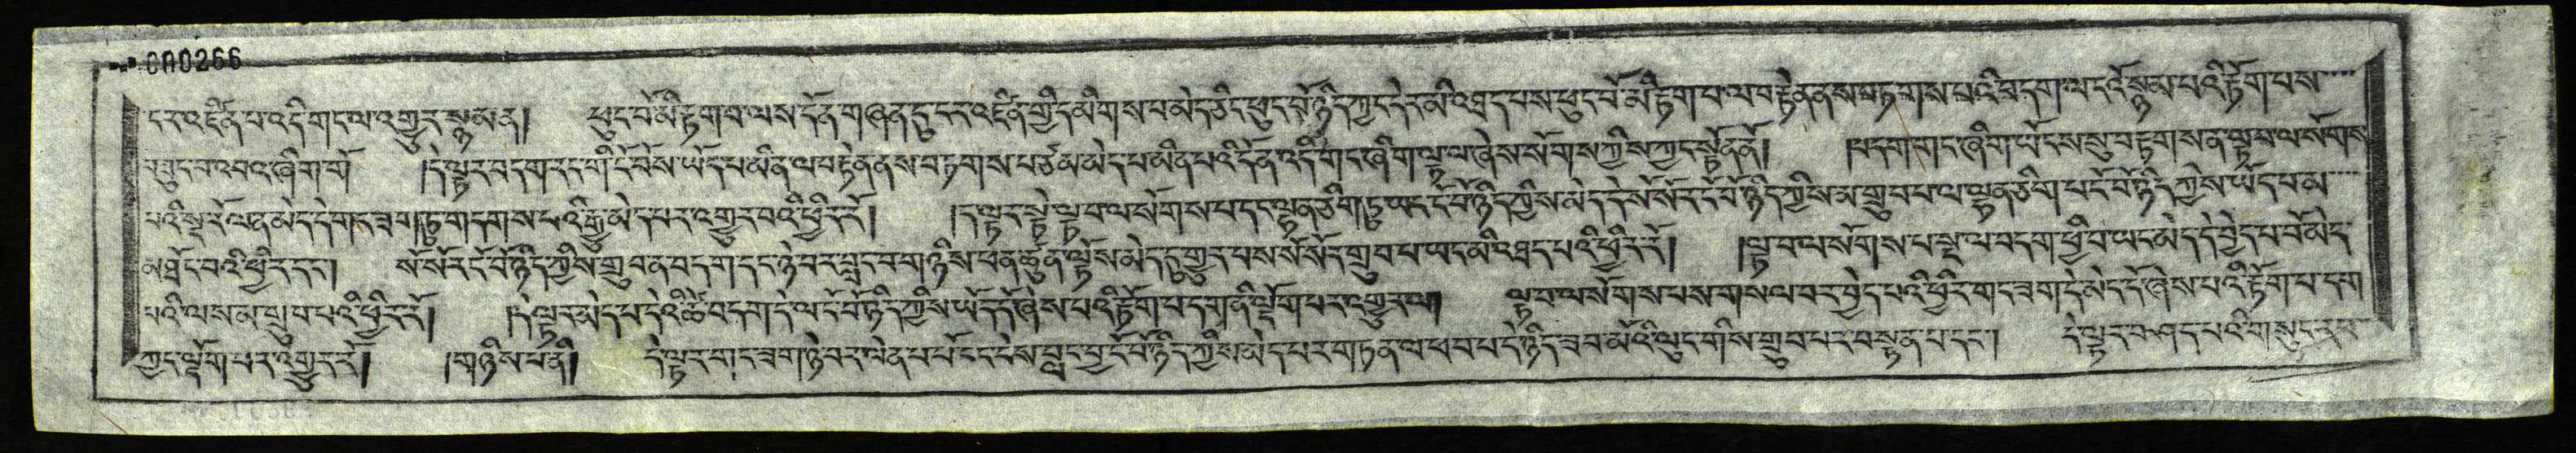ངར་འཛིན་པ་འདི་གང་ལ་འགྱུར་སྙམ་ན། ཕུང་པོ་མི་རྟག་པ་ལས་དོན་གཞན་དུ་ངར་འཛིན་གྱི་དམིགས་པ་མེད་ཅིང་ཕུང་པོ་ཉིད་ཀྱང་དེར་མི་འཐད་པས་ཕུང་པོ་མི་རྟག་པ་ལ་བརྟེན་ནས་བཏགས་པའི་བདག་ལ་ངའོ་སྙམ་པའི་རྟོག་པས་
བཟུང་བ་འབའ་ཞིག་གོ །དེ་ལྟར་བདག་རང་གི་ངོ་བོས་ཡོད་པ་མིན་ལ་བརྟེན་ནས་བཏགས་པ་ཙམ་མེད་པ་མིན་པའི་དོན་འདི་གང་ཞིག་ལྟ་ལ་ཞེས་སོགས་ཀྱིས་ཀྱང་སྟོན་ནོ། །བདག་གང་ཞིག་ཡོངས་སུ་བརྟགས་ན་ལྟ་བ་ལ་སོགས་
པའི་སྔ་རོལ་ན་མེད་དེ་གང་ཟག་ཏུ་གདགས་པའི་རྒྱུ་མེད་པར་འགྱུར་བའི་ཕྱིར་རོ། །ད་ལྟར་སྟེ་ལྟ་བ་ལ་སོགས་པ་དང་ལྷན་ཅིག་ཏུ་ཡང་ངོ་བོ་ཉིད་ཀྱིས་མེད་དེ་སོ་སོར་ངོ་བོ་ཉིད་ཀྱིས་མ་གྲུབ་པ་ལ་ལྷན་ཅིག་པ་ངོ་བོ་ཉིད་ཀྱིས་ཡོད་པ་མ་
མཐོང་བའི་ཕྱིར་དང་། སོ་སོར་ངོ་བོ་ཉིད་ཀྱིས་གྲུབ་ན་བདག་དང་ཉེ་བར་བླང་བ་གཉིས་ཕན་ཚུན་ལྟོས་མེད་དུ་གྱུར་པས་སོ་སོར་གྲུབ་པ་ཡང་མི་འཐད་པའི་ཕྱིར་རོ། །ལྟ་བ་ལ་སོགས་པ་སྔ་ལ་བདག་ཕྱི་བ་ཡང་མེད་དེ་བྱེད་པ་པོ་མེད་
པའི་ལས་མ་གྲུབ་པའི་ཕྱིར་རོ། །དེ་ལྟར་མེད་པ་དེའི་ཚེ་བདག་དེ་ལ་ངོ་བོ་ཉིད་ཀྱིས་ཡོད་དོ་ཞེས་པའི་རྟོག་པ་དག་ནི་ལྡོག་པར་འགྱུར་ལ། ལྟ་བ་ལ་སོགས་པས་གསལ་བར་བྱེད་པའི་ཕྱིར་གང་ཟག་དེ་མེད་དོ་ཞེས་པའི་རྟོག་པ་དག་
ཀྱང་ལྡོག་པར་འགྱུར་རོ། །གཉིས་པ་ནི། དེ་ལྟར་གང་ཟག་ཉེ་བར་ལེན་པ་པོ་ངད་ངེས་བླང་བྱ་ངོ་བོ་ཉིད་ཀྱིས་མེད་པར་གཏན་ལ་ཕབ་པ་དེ་ཉིད་ཟབ་མོའི་ལུང་གིས་གྲུབ་པར་བསྟན་པ་དང་། དེ་ལྟར་བཤད་པའི་གསུང་རབ་